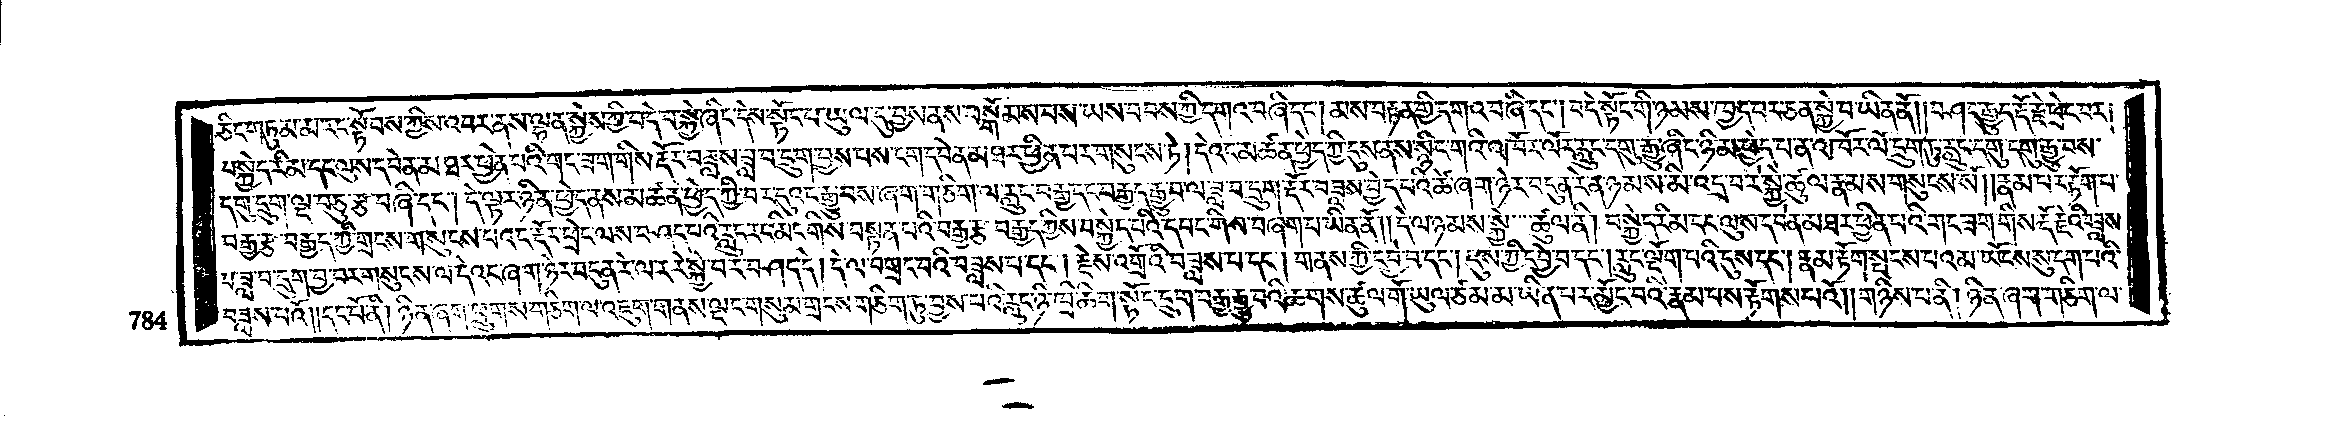ཅིང་གཏུམ་མ་རང་སྟོབས་ཀྱིས་འབར་ནས་ལྷན་སྐྱེས་ཀྱི་བདེ་བ་སྐྱེ་ཞིང་དེས་སྟོང་པ་ཡུལ་དུ་བྱས་ནས་བསྒོམས་པས་ཡས་བབས་ཀྱི་དགའ་བཞི་དང་། མས་བརྟན་གྱི་དགའ་བཞི་དང་། བདེ་སྟོང་གི་ཉམས་ཁྱད་པར་ཅན་སྐྱེ་བ་ཡིན་ནོ། །བཤད་རྒྱུད་རྡོ་རྗེ་ཕྲེང་བར།
བསྐྱེད་རིམ་དང་ལུས་དབེན་མཐར་ཕྱིན་པའི་གང་ཟག་གིས་རྡོར་བཟླས་ཟླ་བ་དྲུག་བྱས་པས་ངག་དབེན་མཐར་ཕྱིན་པར་གསུངས་ཏེ། དེའང་མཚན་ཕྱེད་ཀྱི་དུས་ནས་སྙིང་གའི་འཁོར་ལོར་རླུང་དགུ་རྒྱུ་ཞིང་ཉི་མ་ཕྱེད་པ་ན་འཁོར་ལོ་དྲུག་ཏུ་རླུང་དགུ་དགུ་རྒྱུ་བས་
དགུ་དྲུག་ལྔ་བཅུ་རྩ་བཞི་དང་། དེ་ལྟར་ཉིན་ཕྱེད་ནས་མཚན་ཕྱེད་ཀྱི་བར་དུའང་རྒྱུ་བས་ཞག་གཅིག་ལ་རླུང་བརྒྱ་དང་བརྒྱད་རྒྱུ་བ་ལ་ཟླ་བ་དྲུག་རྡོར་བཟླས་བྱེད་པའི་ཚེ་ཞག་ཉེར་བདུན་རེ་ན་ཉམས་མི་འདྲ་བ་རེ་སྐྱེ་ཚུལ་རྣམས་གསུངས་སོ། །རྣམ་པར་རྟོག་པ་
བརྒྱ་རྩ་བརྒྱད་ཀྱི་གྲངས་གསུངས་པའང་རྡོར་ཕྲེང་ལས་བཤད་པའི་རླུང་རང་མིང་གིས་བསྟན་པའི་བརྒྱ་རྩ་བརྒྱད་ཀྱིས་བསྐྱེད་པའི་དབང་གིས་བཞག་པ་ཡིན་ནོ། །དེ་ལ་ཉམས་སྐྱེ་ཚུལ་ནི། བསྐྱེད་རིམ་དང་ལུས་དབེན་མཐར་ཕྱིན་པའི་གང་ཟག་གིས་རྡོ་རྗེའི་བཟླས་
པ་ཟླ་བ་དྲུག་བྱ་བར་གསུངས་ལ་དེའང་ཞག་ཉེར་བདུན་རེ་ལ་རེ་རེ་སྐྱེ་བར་བཤད་དེ། དེ་ལ་བགྲང་བའི་བཟླས་པ་དང་། རྗེས་འགྲོའི་བཟླས་པ་དང་། གནས་ཀྱི་དབྱེ་བ་དང་། དུས་ཀྱི་དབྱེ་བ་དང་། རླུང་ལྡོག་པའི་དུས་དང་། རྣམ་རྟོག་སྤངས་པའམ་ཡོངས་སུ་དག་པའི་
བཟླས་པའོ། །དང་པོ་ནི། ཉིན་ཞག་ཕྲུགས་གཅིག་ལ་འཇུག་གནས་ལྡང་གསུམ་གྲངས་གཅིག་ཏུ་བྱས་པའི་རླུང་ཉི་ཁྲི་ཆིག་སྟོང་དྲུག་བརྒྱ་རྒྱུ་བའི་ཆགས་ཚུལ་གོ་ཡུལ་ཙམ་མ་ཡིན་པར་མྱོང་བའི་རྣམ་པས་རྟོགས་པའོ། །གཉིས་པ་ནི། ཉིན་ཞག་གཅིག་ལ་